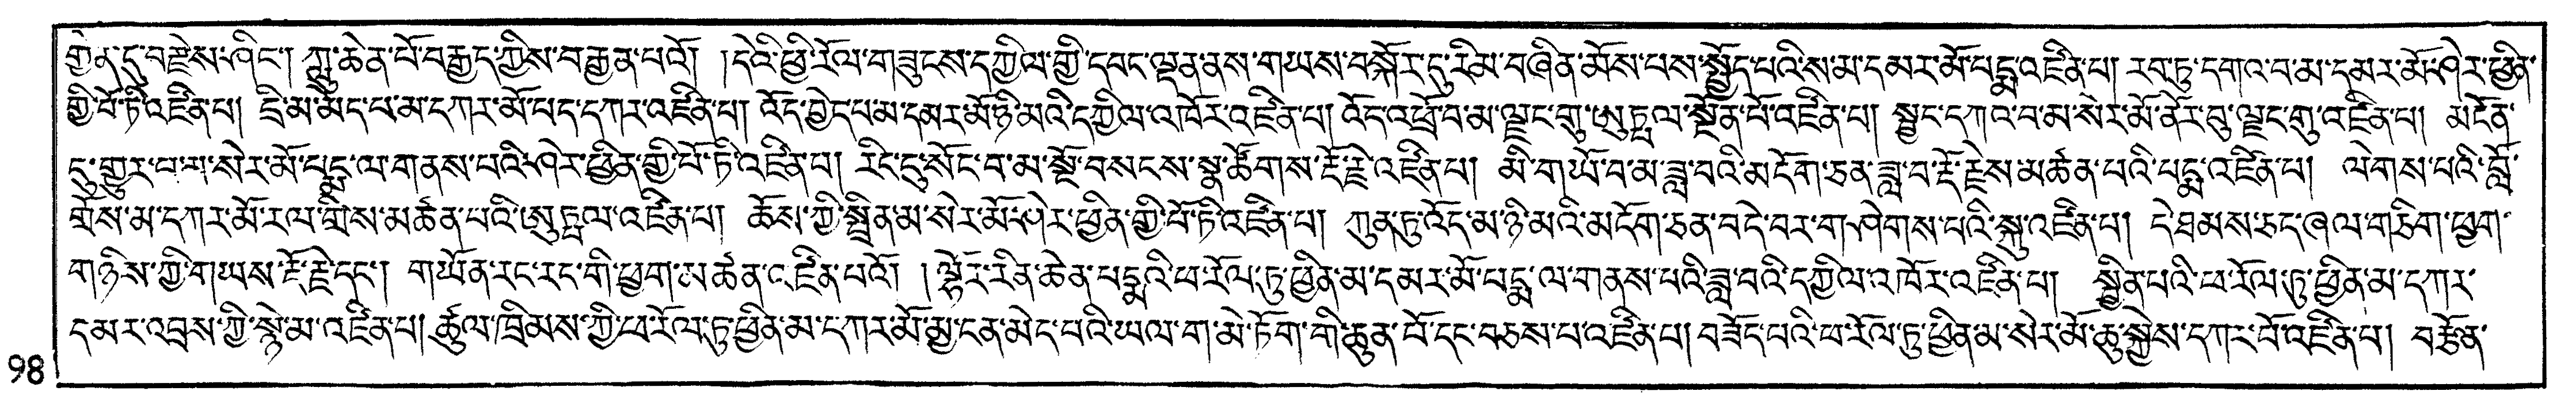གྱེན་དུ་བརྫེས་ཤིང་། ཀླུ་ཆེན་པོ་བརྒྱད་ཀྱིས་བརྒྱན་པའོ། །དེའི་ཕྱི་རོལ་གཟུངས་དཀྱིལ་གྱི་དབང་ལྡན་ནས་གཡས་བསྐོར་དུ་རིམ་བཞིན་མོས་པས་སྤྱོད་པའི་ས་མ་དམར་མོ་པདམ་འཛིན་པ། རབ་ཏུ་དགའ་བ་མ་དམར་མོ་ཤེར་ཕྱིན་
གྱི་པོ་ཏི་འཛིན་པ། དྲི་མ་མེད་པ་མ་དཀར་མོ་པད་དཀར་འཛིན་པ། འོད་བྱེད་པ་མ་དམར་མོ་ཉི་མའི་དཀྱིལ་འཁོར་འཛིན་པ། འོད་འཕྲོ་བ་མ་ལྗང་གུ་ཨུཏྤལ་སྔོན་པོ་འཛིན་པ། སྦྱང་དཀའ་བ་མ་སེར་མོ་ནོར་བུ་ལྗང་གུ་འཛིན་པ། མངོན་
དུ་གྱུར་པ་མ་སེར་མོ་པདམ་ལ་གནས་པའི་ཤེར་ཕྱིན་གྱི་པོ་ཏི་འཛིན་པ། རིང་དུ་སོང་བ་མ་སྔོ་བསངས་སྣ་ཚོགས་རྡོ་རྗེ་འཛིན་པ། མི་གཡོ་བ་མ་ཟླ་བའི་མདོག་ཅན་ཟླ་བ་རྡོ་རྗེས་མཚན་པའི་པདམ་འཛིན་པ། ལེགས་པའི་བློ་
གྲོས་མ་དཀར་མོ་རལ་གྲིས་མཚན་པའི་ཨུཏྤལ་འཛིན་པ། ཆོས་ཀྱི་སྤྲིན་མ་སེར་མོ་ཤེར་ཕྱིན་གྱི་པོ་ཏི་འཛིན་པ། ཀུན་ཏུ་འོད་མ་ཉི་མའི་མདོག་ཅན་བདེ་བར་གཤེགས་པའི་སྐུ་འཛིན་པ། དེ་ཐམས་ཅད་ཞལ་གཅིག་ཕྱག་
གཉིས་ཀྱི་གཡས་རྡོ་རྗེ་དང་། གཡོན་རང་རང་གི་ཕྱག་མཚན་འཛིན་པའོ། །ལྷོར་རིན་ཆེན་པདམའི་ཕ་རོལ་ཏུ་ཕྱིན་མ་དམར་མོ་པདམ་ལ་གནས་པའི་ཟླ་བའི་དཀྱིལ་འཁོར་འཛིན་པ། སྦྱིན་པའི་ཕ་རོལ་ཏུ་ཕྱིན་མ་དཀར་
དམར་འབྲས་ཀྱི་སྙེ་མ་འཛིན་པ། ཚུལ་ཁྲིམས་ཀྱི་ཕ་རོལ་ཏུ་ཕྱིན་མ་དཀར་མོ་མྱ་ངན་མེད་པའི་ཡལ་ག་མེ་ཏོག་གི་ཆུན་པོ་དང་བཅས་པ་འཛིན་པ། བཟོད་པའི་ཕ་རོལ་ཏུ་ཕྱིན་མ་སེར་མོ་ཆུ་སྐྱེས་དཀར་པོ་འཛིན་པ། བརྩོན་